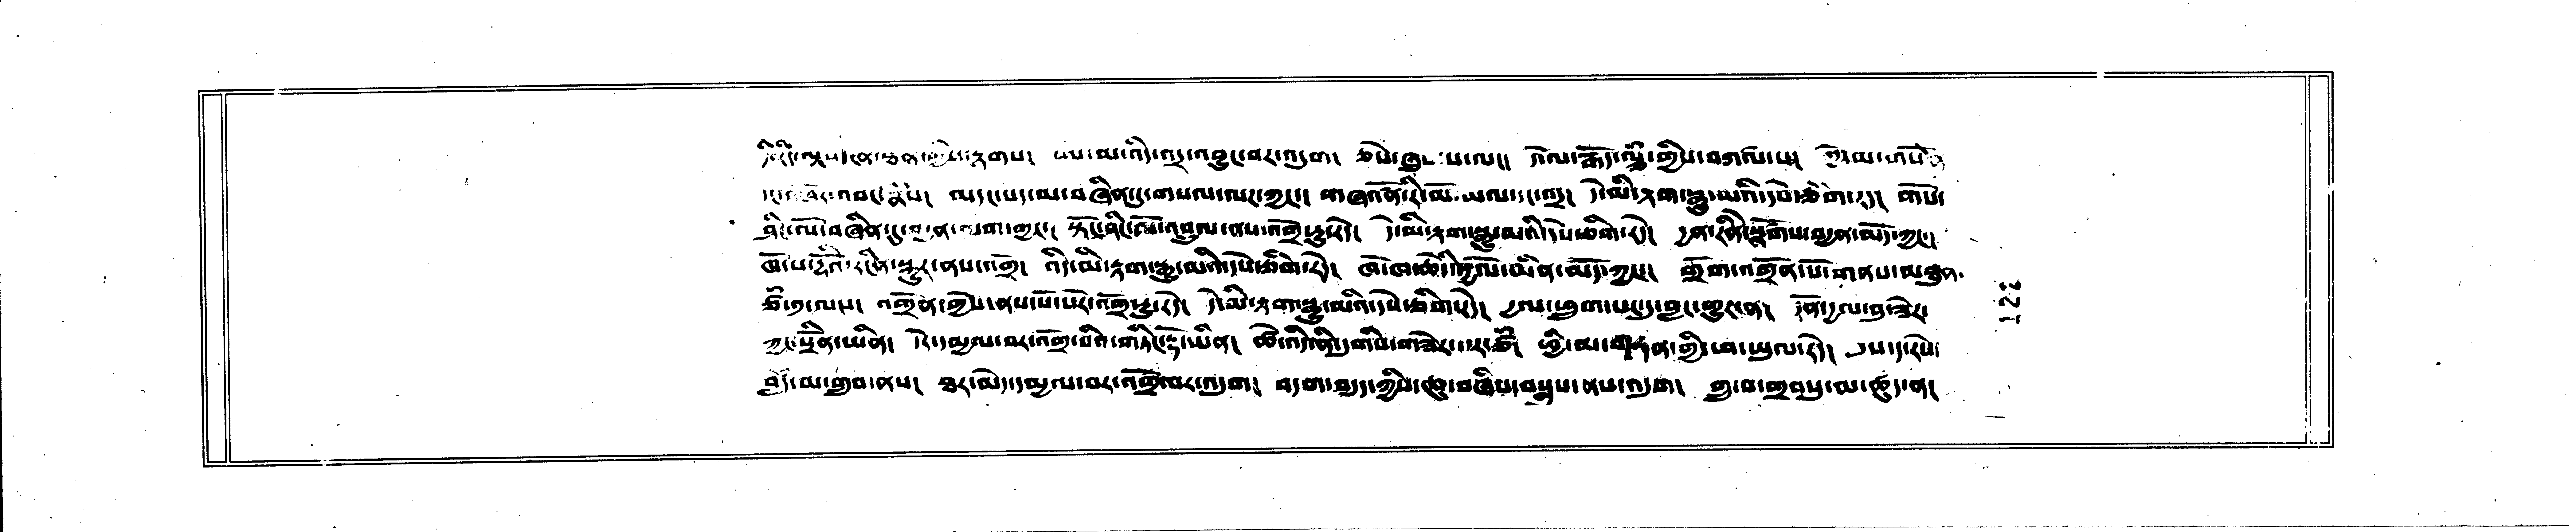དེ་རིང་ལྟས་ངན་ཐན་གྱིས་བརྟགས། ཨ་མ་འདི་འདྲ་འབྱུང་བར་འདུག ཅེས་ཞུས་པ་ལ། འོལ་རྒོད་ལྕམ་གྱིས་བཀའ་སྩལ་པ། ཀྱེ་མ་གསོན་
དང་འཁོར་འབངས་རྣམས། མདངས་པད་མ་བཞིན་དུ་གསལ་ལགས་ཀྱང་། གཞའ་ཚོན་རི་མོ་ཡལ་དང་འདྲ། དེ་མི་རྟག་སྒྱུ་མའི་དཔེ་ཅིག་རེད། གོས་
ཤིང་ལོ་བཞིན་དུ་བརྒྱན་ལགས་ཀྱང་། སྟོང་ཤིང་ལོ་འབྲུལ་ནས་འགྲོ་རྒྱུ་རེད། དེ་མི་རྟག་སྒྱུ་མའི་དཔེ་ཅིག་རེད། རྒྱན་རིན་ཆེན་སྣ་ཚོགས་བརྒྱན་མོད་ཀྱང་།
ཁོ་ས་རྡོའི་རང་བཞིན་སྐྱུར་ནས་འགྲོ། འདི་མི་རྟག་སྒྱུ་མའི་དཔེ་ཅིག་རེད། ཁོ་ག་ཚོད་རྒྱལ་པོ་མིན་མོད་ཀྱང་། གྲོགས་མགྲོན་པོ་གནས་མཐུན་
ཙམ་ཞིག་ལས། མགྲོན་གྱེས་ནས་སོ་སོར་འགྲོ་རྒྱུ་རེད། དེ་མི་རྟག་སྒྱུ་མའི་དཔེ་ཅིག་རེད། རྒྱལ་ཕྲུག་པང་དུ་བླང་གྱུར་ན། དོན་རྒྱལ་བུ་ཟེར་
ཀྱང་སྲིན་པོ་ཡིན། དེར་དམྱལ་བར་འགྲོ་བའི་གཏིང་རྡོ་ཡིན། ཚེ་འདི་ནི་དུག་གི་གཟེར་བར་ཙམ། ཕྱི་མ་གཏན་གྱི་ཕ་ཡུལ་རེད། དུས་ད་རེས་
བླ་མེད་མ་གྲུབ་ན། ཐར་མེད་དམྱལ་བར་འགྲོ་བར་འདུག བདག་བདུད་ཀྱི་ཆུ་བཞིས་བསླུས་ནས་འདུག གྲུ་བ་གྲབས་སུ་མ་ཚུད་ན།